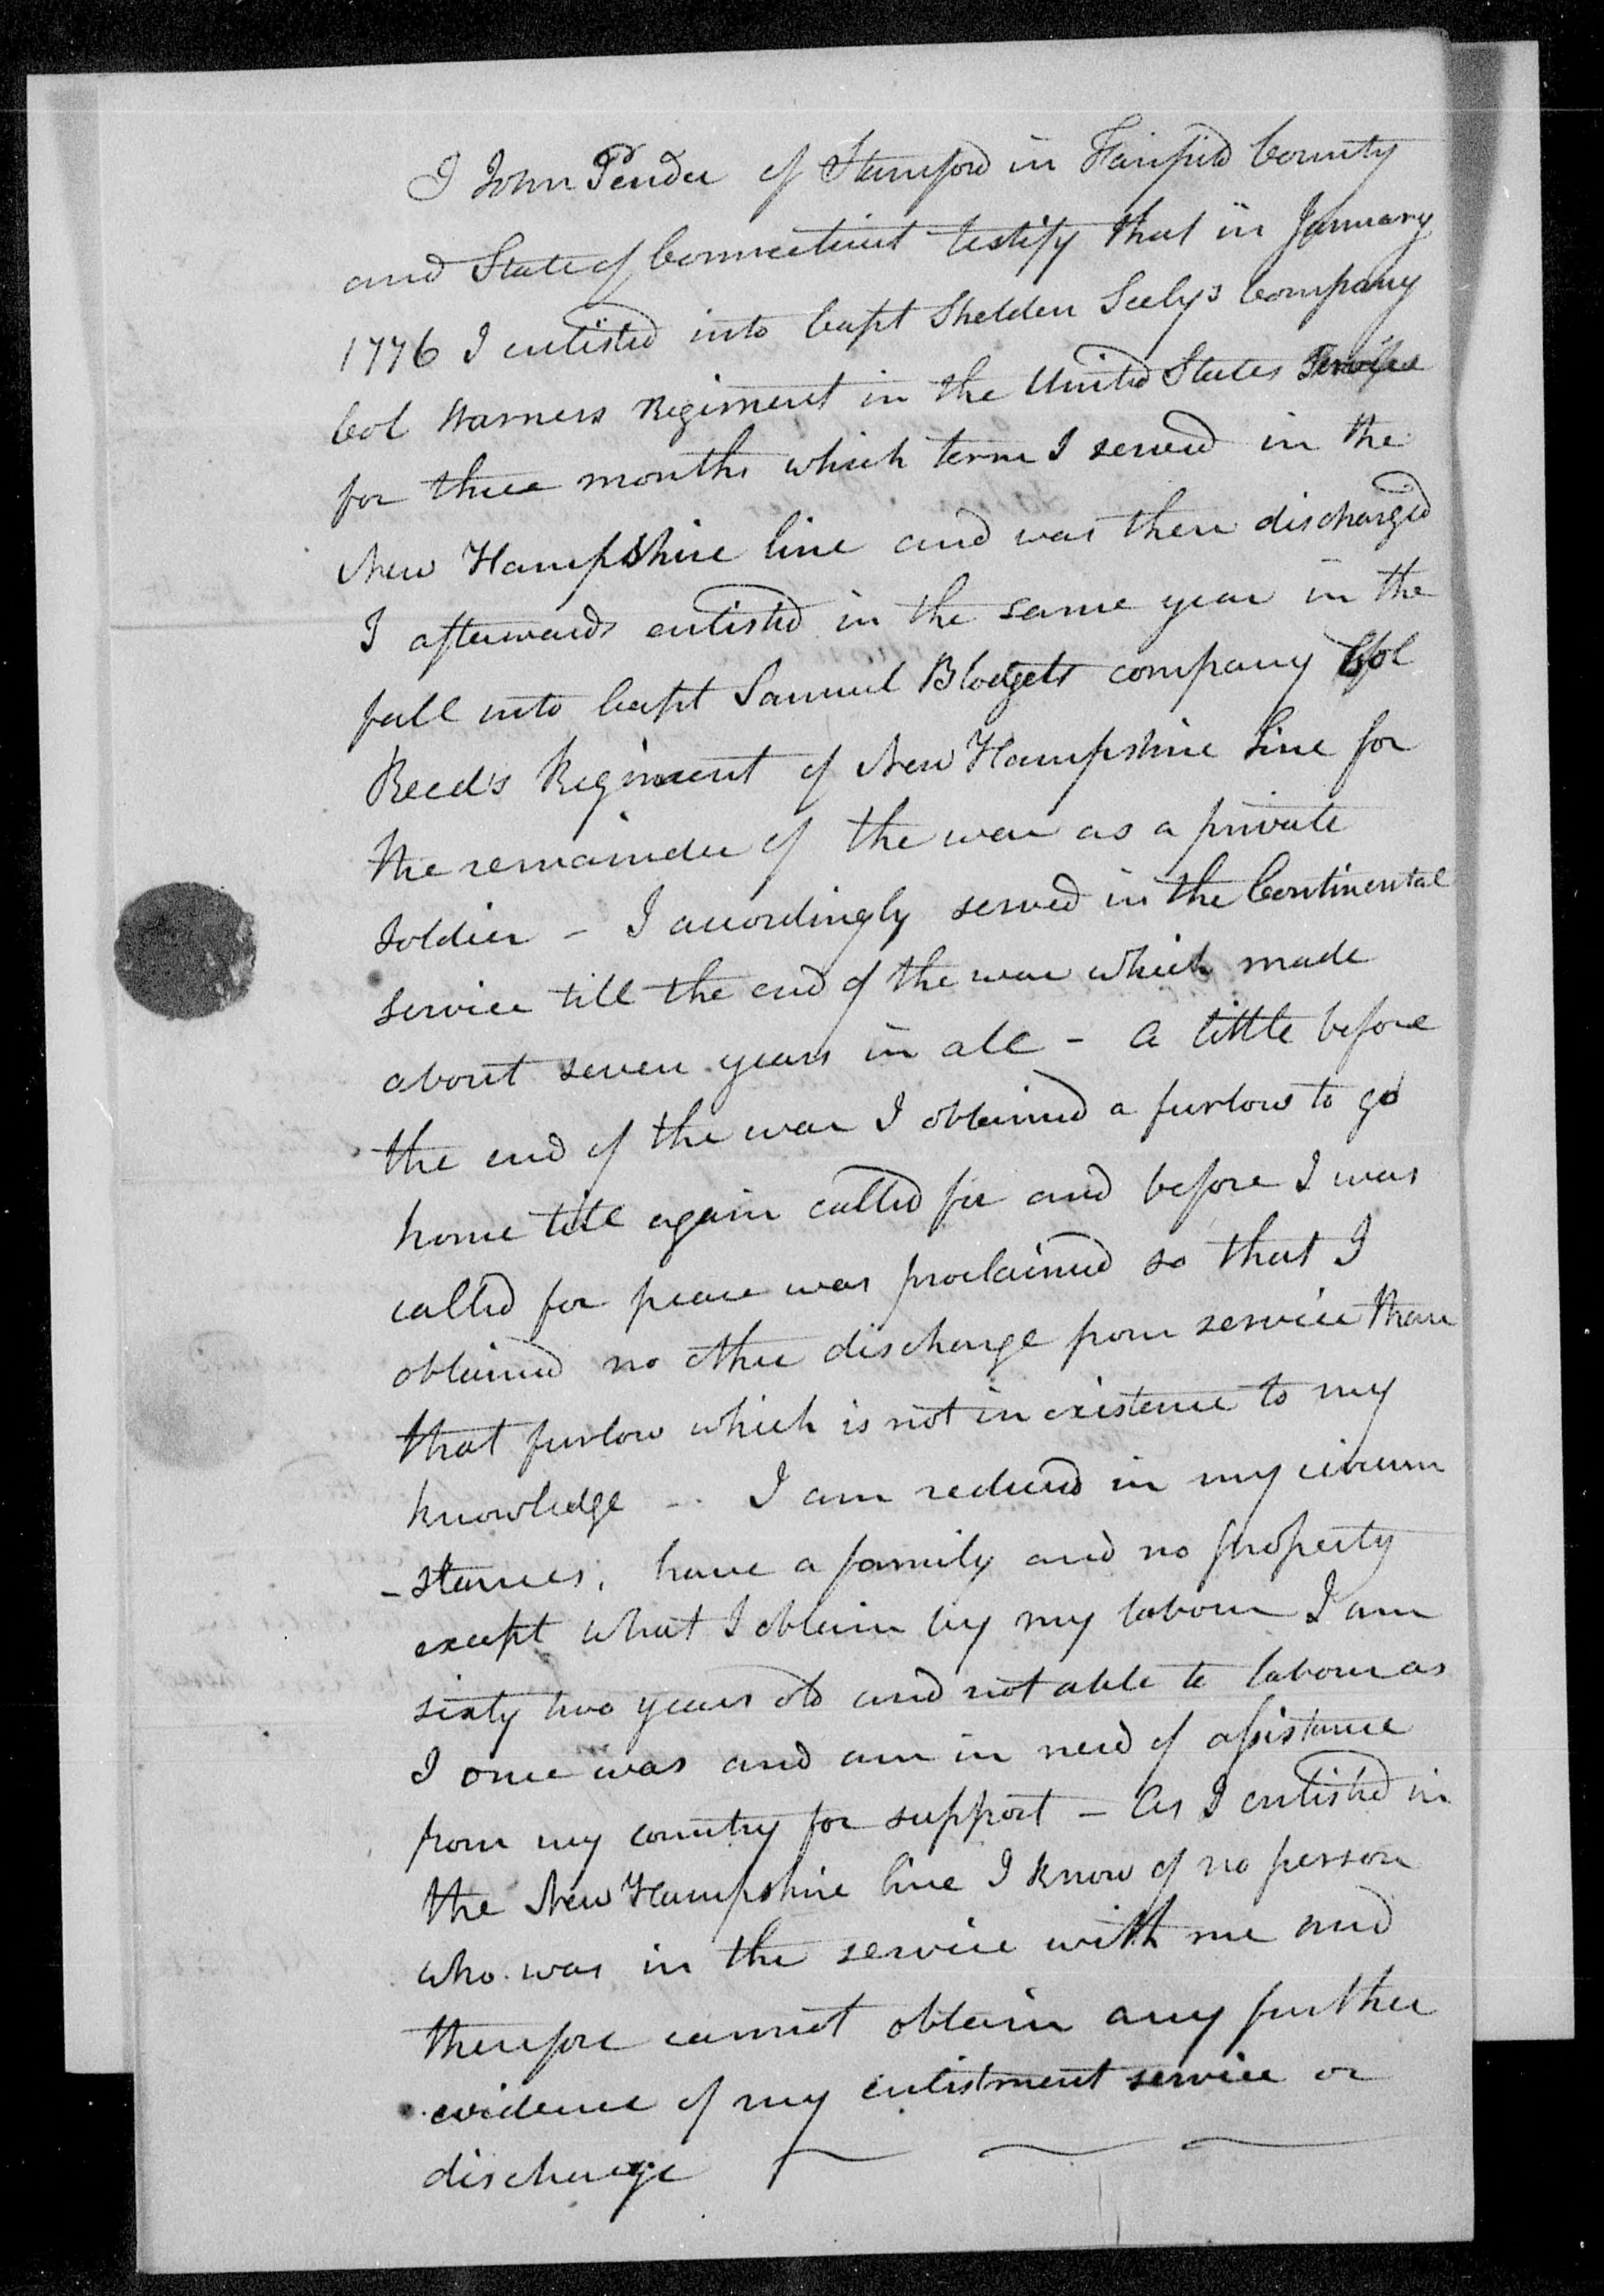I John Pender of Stamford in Fairfield County and State of Connecticut testify that in January 1776 I enlisted into Capt Shelden Seelys Company Col Warners Regiment in the United States Service for three months which term I served in the New Hampshire line and was then discharged I afterwards enlisted in the same year in the fall into Capt Samuel Blodgets company Col Reed's Regiment of New Hampshire line for the remainder of the war as a private soldier, I accordingly served in the Continental service till the end of the war which made about seven years in all - a little before the end of the war I obtained a furlow [furlough] to go home till again called for and before I was called for peace was proclaimed so that I obtained no other discharge from service than that furlow which is not in existence to my knowledge-- I am reduced in my in circumstances; have a family and no property except what I obtain by my labour[.]   I am sixty two years old and not able to labour as I once was and am in need of assistance from my country for support-- As I enlisted in the New Hampshire line I know of no person who was in the service with me and therefore cannot obtain any further evidence of my enlistment service or discharge.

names: John Pender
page: 4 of 13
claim: survivor's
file: S. 36211, for John Pender, New Hampshire